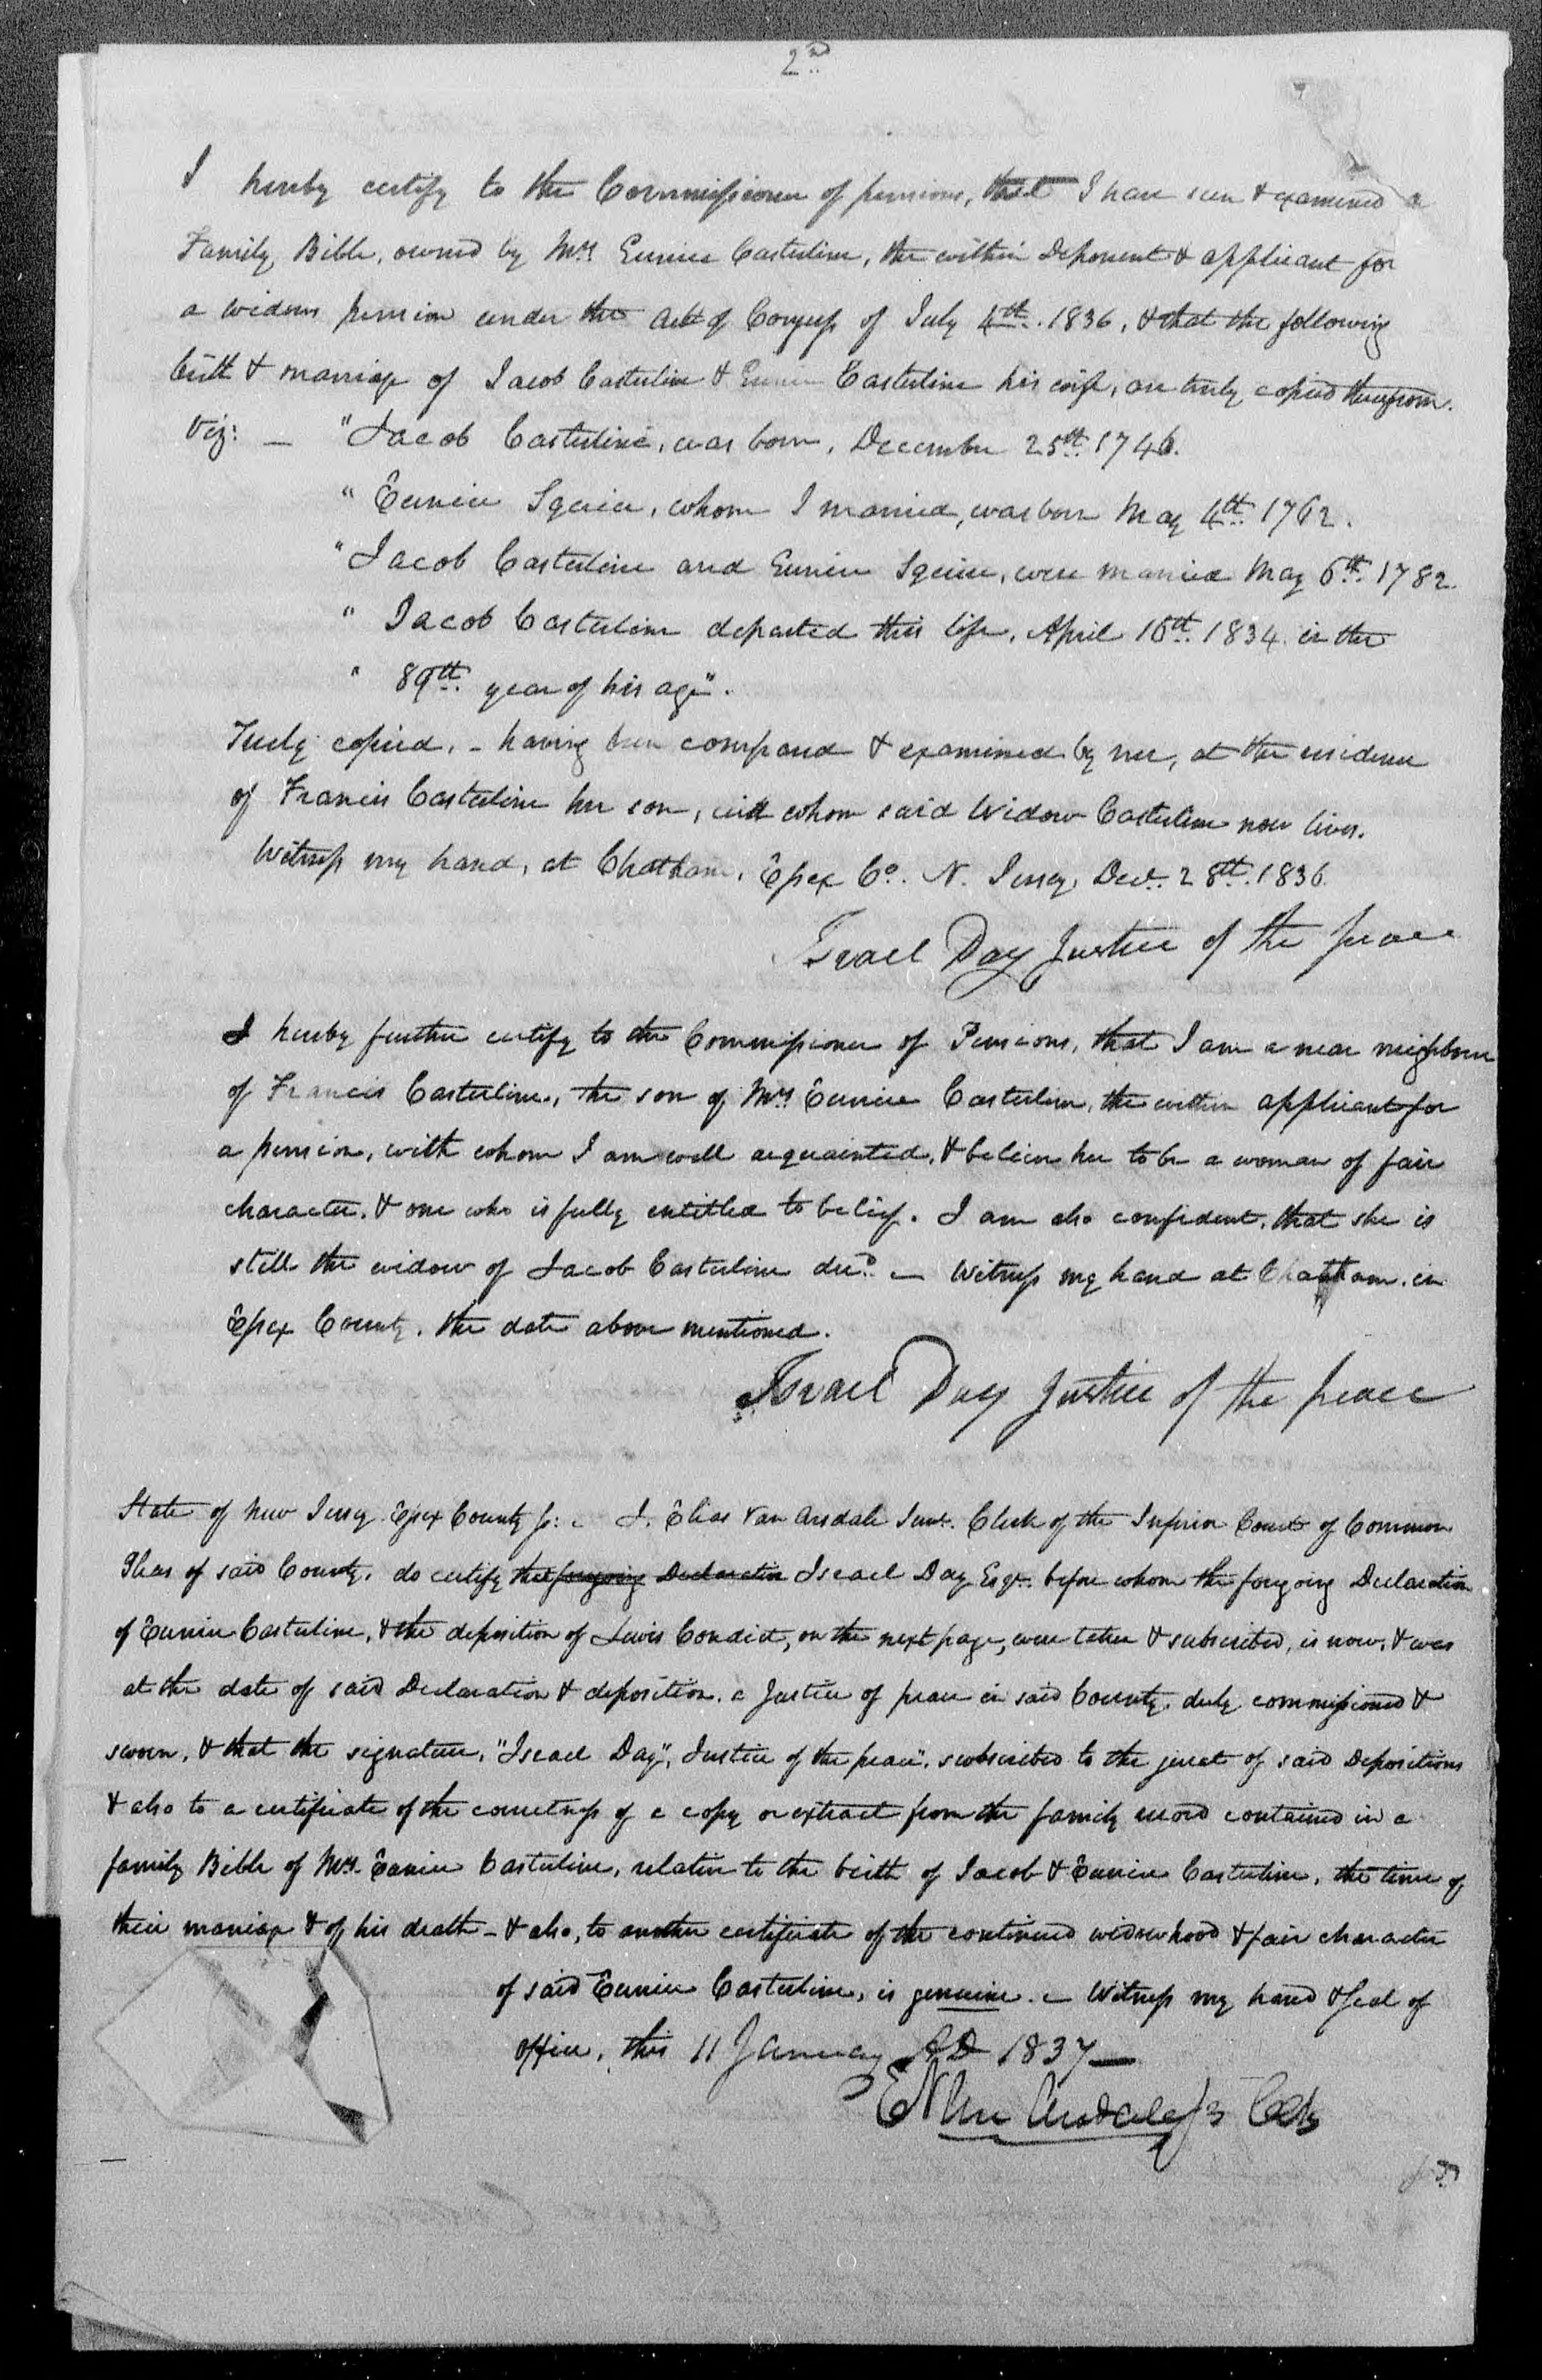2.
I hereby certify to the Commissioner of pensions that I have seen and examined a Family Bible, owned by Mrs. Eunice Casterline, the written applicant for a widows pension under the Act of Congress of July 4th 1836, that the following birth and marriage of Jacob Casterline & Eunice Casterline his wife are truly copied therefrom.  
Jacob Casterline was born December 25th 1746
Eunice Squire whom I married, was born May 4th 1782
Jacob Casterline and Eunice Squire were married May 6th 1782
Jacob Casterline departed their life April 16th 1834 in their 89th year of his age

Truly copied, having been compared and examined by me, at the widow of Francis Casterline her son, with whom said Widow Casterline now lives.  
Witness my hand at Chatham, Essex Co. N. Jersey Dec 28th 1836

Israel Day Justice of the Peace

I hereby further certify to the Commission of Pensions that I am a near neighbor to Francis Casterline, the son of Mrs Eunice Casterline, the written applicant for a pension, with whom I am well acquainted and believe her to be a woman of fair character and one who is fully entitled to belief.  I am confidant that she is still the widow of Jacob Casterline decd. Witness my hand at Chatham in Essex County the date above mentioned.

Israel Day Justice of the Peace

Statue of New Jersey Essex County : I Elias Van Arsdale said Clerk of the Inferior Courts of Common Pleas of said County, do certify that Israel Day Esq before whom the foregoing Declaration of Eunice Casterline & the deposition of Lewis Condict on the next page were taken & subscribed is now & was at the date of said declaration & deposition a Justice of Peace in said County, duly commissioned & sworn & that the signature "Israel Day" Justice of the Peace" subscribed to the [?] of said depositions & who to a certificate of the county of a copy or extract from the family word contained in a family Bible of Mrs Eunice Casterline, relative to the birth of Jacob & Eunice Casterline, the time of their marriage & of his death - & who to another certificate of the contained widowhood & fair character of said Eunice Casterline is genuine.  - Witness my hand & seal of office this 11 January AD 1837

Elias Arsdale Clerk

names: Eunice Casterline, Jacob Casterline, Jacob Casterline, Eunice Casterline, Israel Day, Israel Day, Lewis Condict, Eunice Casterline, Eunice Casterline, Jacob Casterline, Eunice Casterline, Eunice Squier, Eunice Casterline, Etlen Andaless, Israel Day, Francis Casterline, Francis Casterline, Israel Day, Jacob Casterline, Casterline, Elias Van Arsdale, Jacob Casterline, Jacob Casterline, Eunice Casterline, Eunice Squier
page: 11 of 38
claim: widow's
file: W. 6644, Jacob Casterline, New Jersey